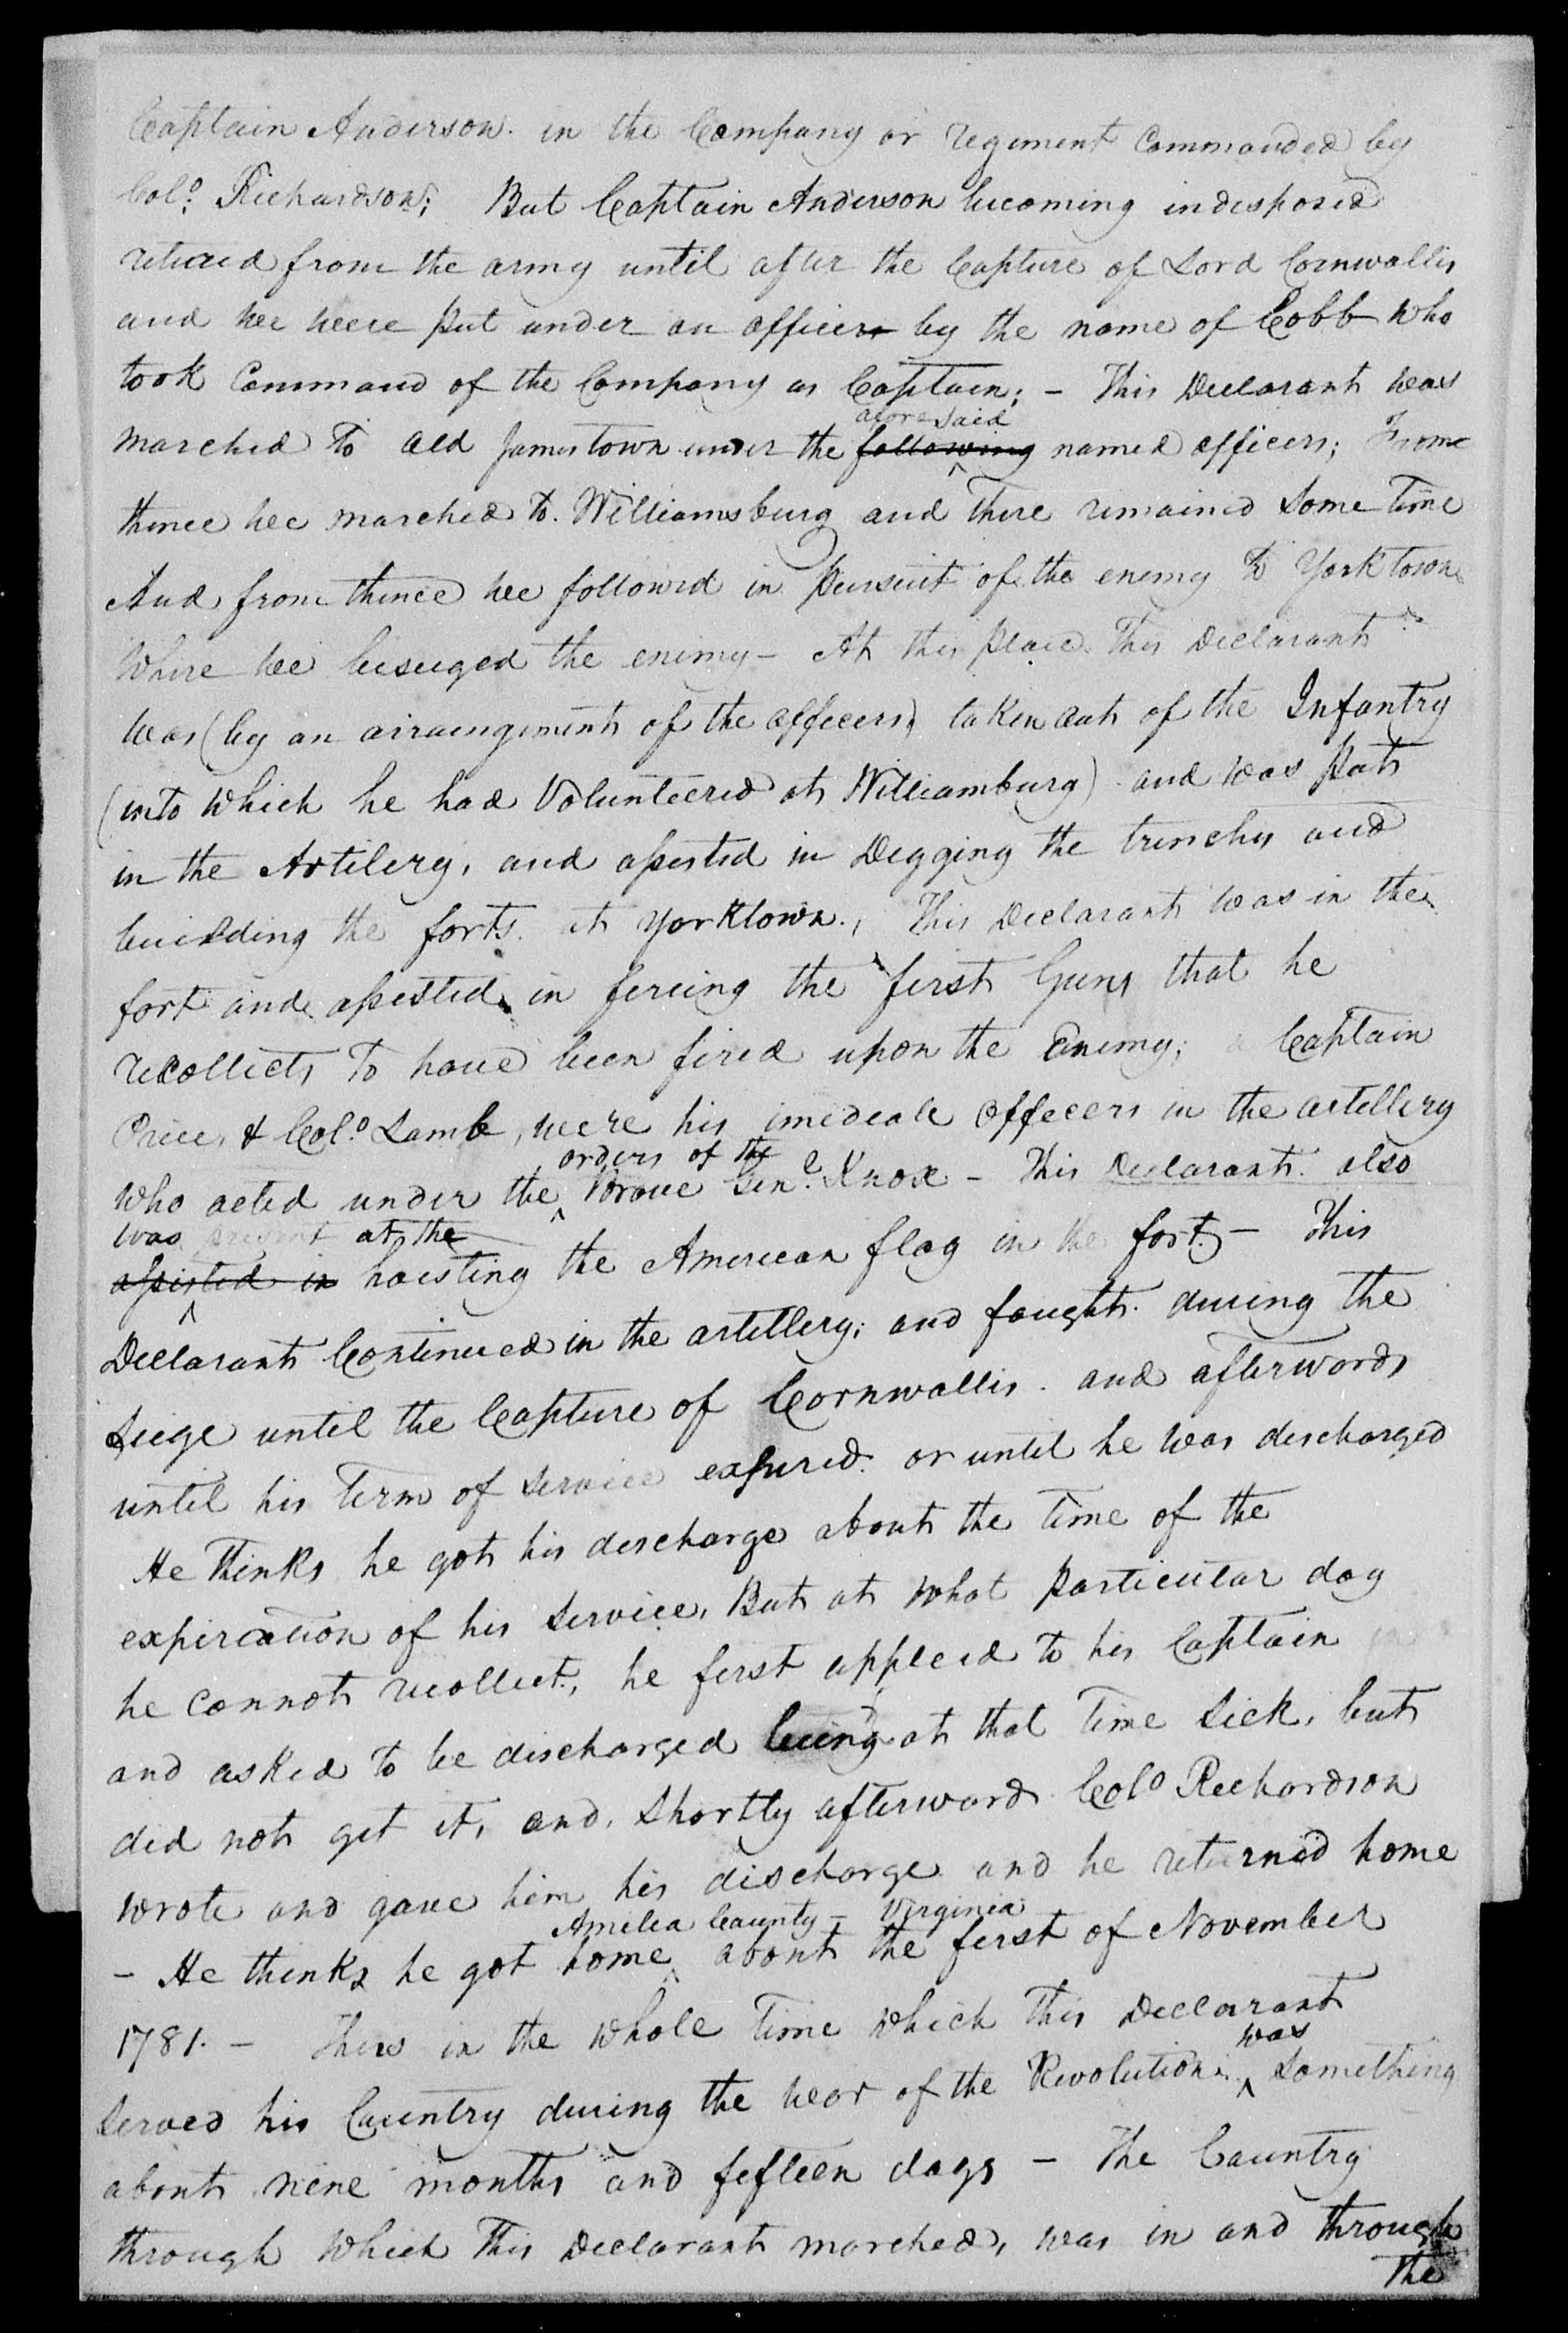Captain Anderson. in the Company or regiment commanded by Colo. Richardson; But Captain Anderson becoming indisposed retired from the army until after the Capture of Lord Cornwallis and we were put under an officer by the name of Cobb who took command of the company as Captain;— This Declarant was marched to old Jamestown under the aforesaid named officers; From thence he marched to Williamsburg and there remained Some Time  And from thence we followed in pursuit of the enemy to Yorktown where we beseiged the enemy.  At this place this Declarant was (by an arrangement of the officers) taken out of the Infantry (into which he had volunteered at Williamburg) and was put in the Artilery, and assisted in Digging the trenches and building the forts at Yorktown.  This Declarant was in the fort and assisted in fireing the first Guns that he recollects to have been fired upon the Enemy;  a Captain who acted under the orders of the Brave Gen. Knox.  This Declarant also was at the hoisting the American flag in the fort—  This Declarant continued in the artillery; and fought during the Siege until the Capture of Cornwallis. and afterwords until his term of service expired or until he was discharged 
He thinks he got his discharge about the time of the expiration of his Service, But at what particular day he cannot recollect, he first applied to his Captain and asked to be discharged being at that time sick.  but he did not get it, and Shortly afterward Colo. Richardson wrote and gave him his discharge and he retuned home.  He thinks he got home Amelia County - Virginia about the first of November 1781.—  There in the whole time which this Declarant served his Country during the war of the Revolution was something about nine months and fifteen days — The Country through which this Declarant marched, was in and through the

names: Lamb, Cobb, Richardson, Cornwallis, Anderson, Cornwallis, Anderson, Price, Richardson, Knox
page: 7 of 58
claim: survivor's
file: S. 6,941, Starling Gunn, Continental Va.